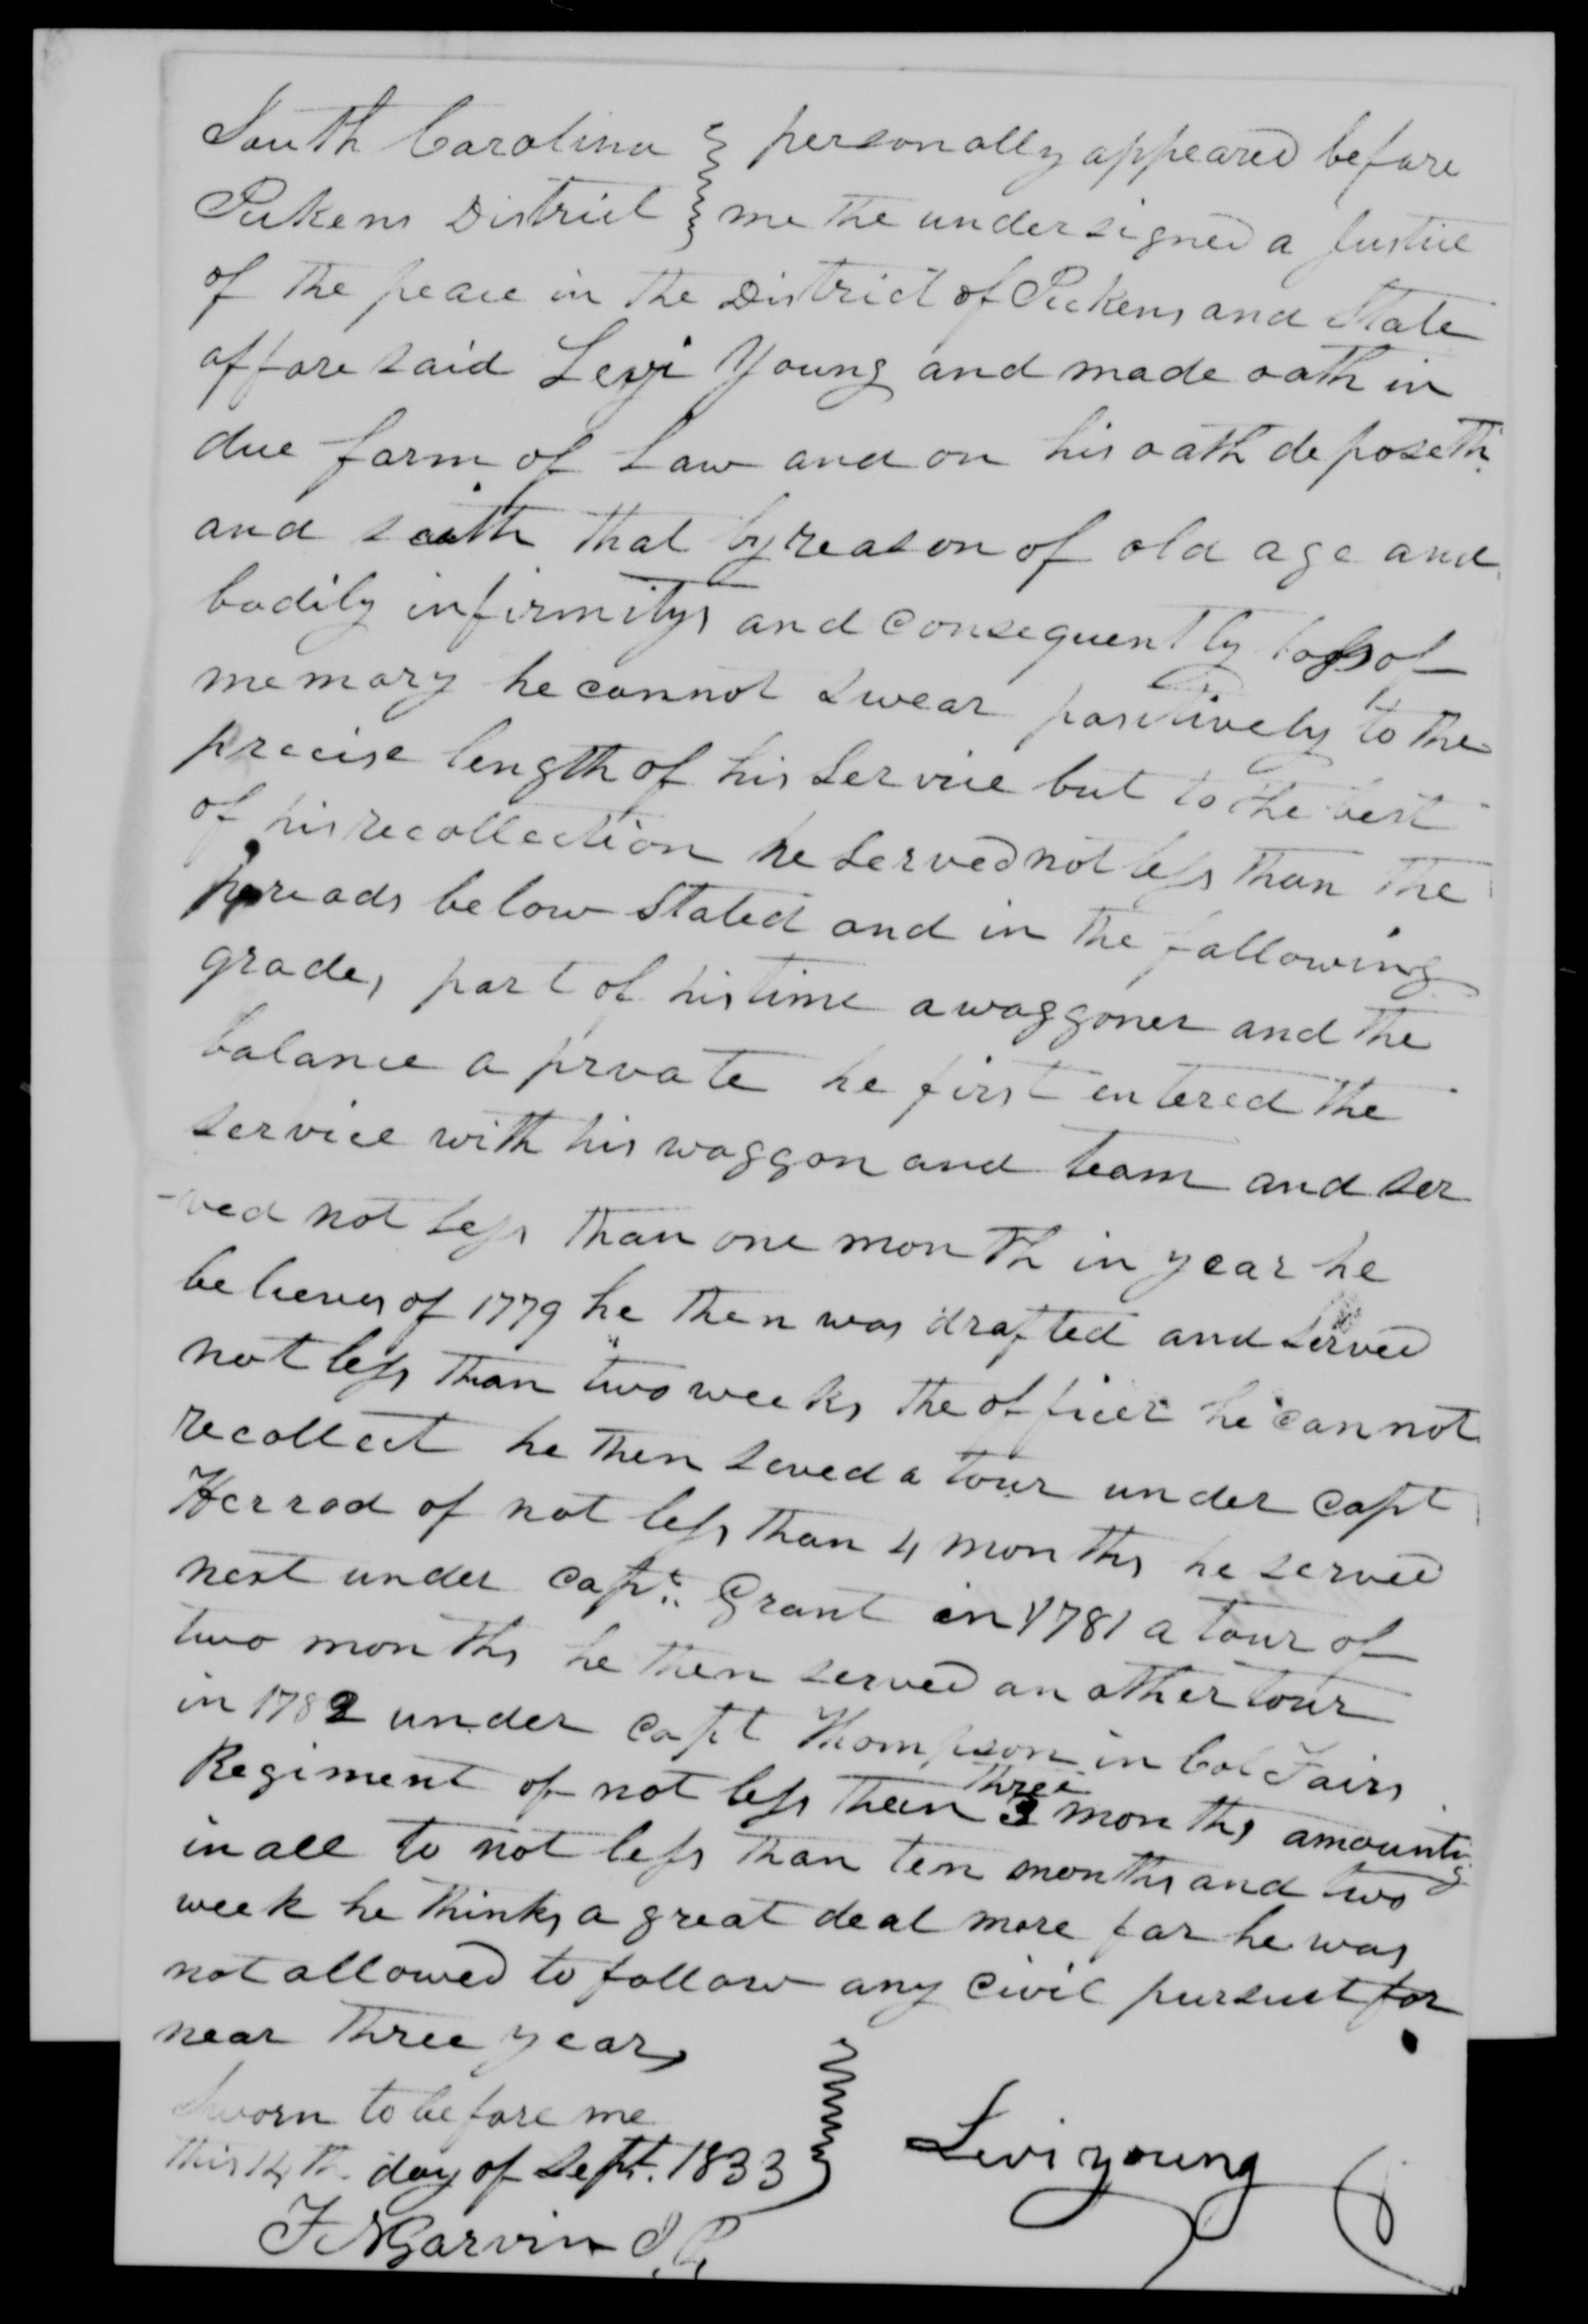South Carolina { personally appeared before
Pickens District { me the undersigned a Justice
of the peace in the District of Pickens and Sate
afforesaid (sic aforesaid) Levi Young and made oath in
due form of Law and on his oath deposeth
and saith that by reason of old age and
bodily infirmity, and consequently loss of
memory he cannot swear positively tothe
precise length of his Service but to the best
of his recollection he served not less that the
periods below Stated and in the following 
grade, part of his time a waggoner (sic wagoner) and the
balance a private he first entered the
service with his waggon (sic wagon) and team and ser
-ved not less that one month in year he
believed of 1779 he then was drafted and served
not less than two weeks the officer he cannot
recollect he then served a tour under Capt
Herrod of not less than 4 months he served
next under Capt. Grant in 1781 a tour of 
two months he then served another tour
in 1789 under Capt. [John] Thompson in Col Fairs
Regiment of not less than three months amounting 
in all to not less than ten months and two
week (sic weeks) he thinks a great deal more forhe was
not allowed to follow any civil pursuit for
near three years
Sworn to before me {
This 13th day of Sept. 1833 {   Levi Young (his signature0
F [Frederick] N Garvin JP [Justice of the Peace]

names: Herrod, F N Garvin, Levi Young, Thompson, Grant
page: 54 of 56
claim: widow's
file: W. 9040, Levi Young, Ga. New Jersey S.C.